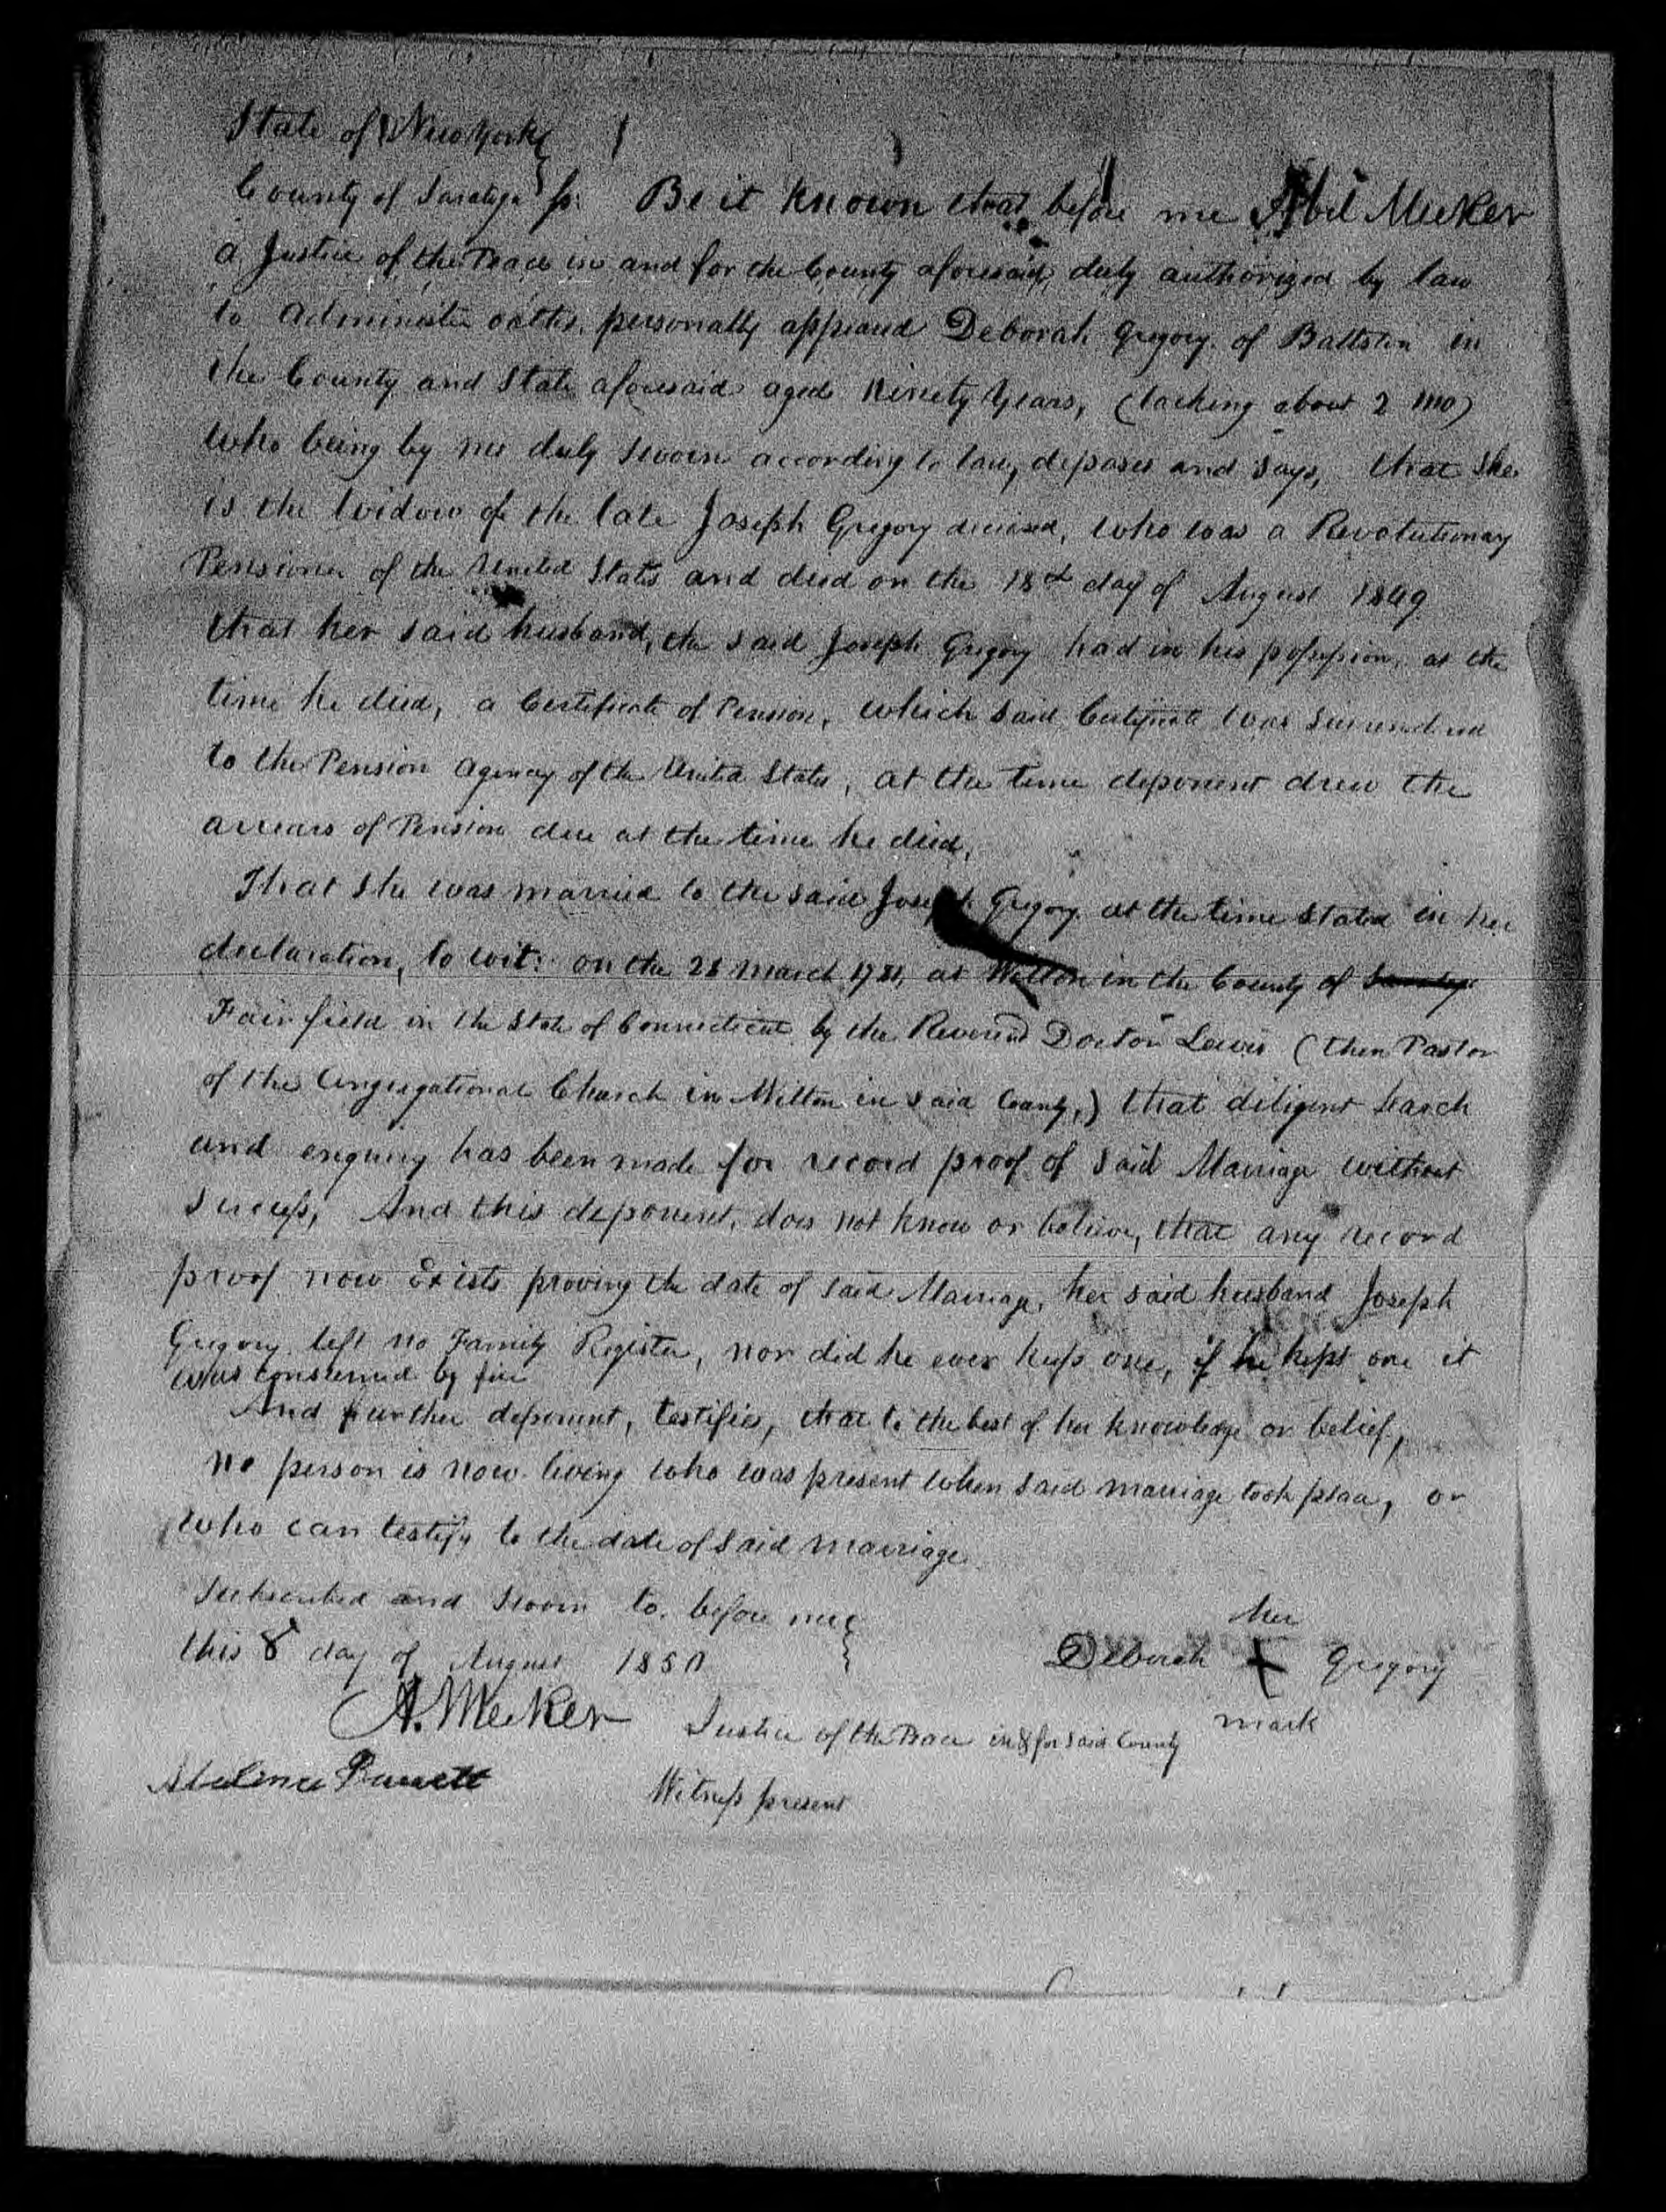State of New York
County of Saratoga Ss. Be it known that before me Abel Meeker a Justice of the Peace in and for the county aforesaid, duly authorized by law to administer oaths personally appeared Deborah Gregory of Ballston in the county and state aforesaid aged ninety years (lacking about 2 mos) who being by me duly sworn according to law, deposes and says, that she is the widow of the late Joseph Gregory deceased, who was a Revolutionary Pensioner of the United States and died on the 18th day of August 1849. That her said husband, the said Joseph Gregory, had in his possession at the time he died, a certificate of Pension, which said certificate was surrendered to the Pension Agency of the United States, at the time deponent drew the arrears of Pension due at the time he died.
That she was married to the said Joseph Gregory at the time stated in her declaration, to wit: on the 28 March 1781 at Milton in the county of Fairfield in the state of Connecticut by the Reverend Doctor Lewis (then Pastor of the Congregational Church in Milton in said County,) that diligent search and enquiry has been made for record proof of said marriage without success. And this deponent does not know or believe that any record proof now exists proving the date of said marriage. Her said husband Joseph Gregory left no family register, nor did he ever keep one, if he kept one it was consumed by fire.
And further deponent testifies, that to the best of her knowledge or believe, no person is now living who was present when said marriage took place, or who can testify to the date of said marriage.
Deborah Gregory X her mark

Subscribed and sworn to before me this 8th day of August 1850}
A. Meeker Justice of the Peace in & for said county
Malina Burrett Witness Present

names: Deborah Gregory, Malina Burrett, Lewis, Abel Meeker, Joseph Gregory, Joseph Gregory, Deborah Gregory, Joseph Gregory, Joseph Gregory, A Meeker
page: 26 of 34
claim: widow's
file: W. 1596, Joseph Gregory, Conn.